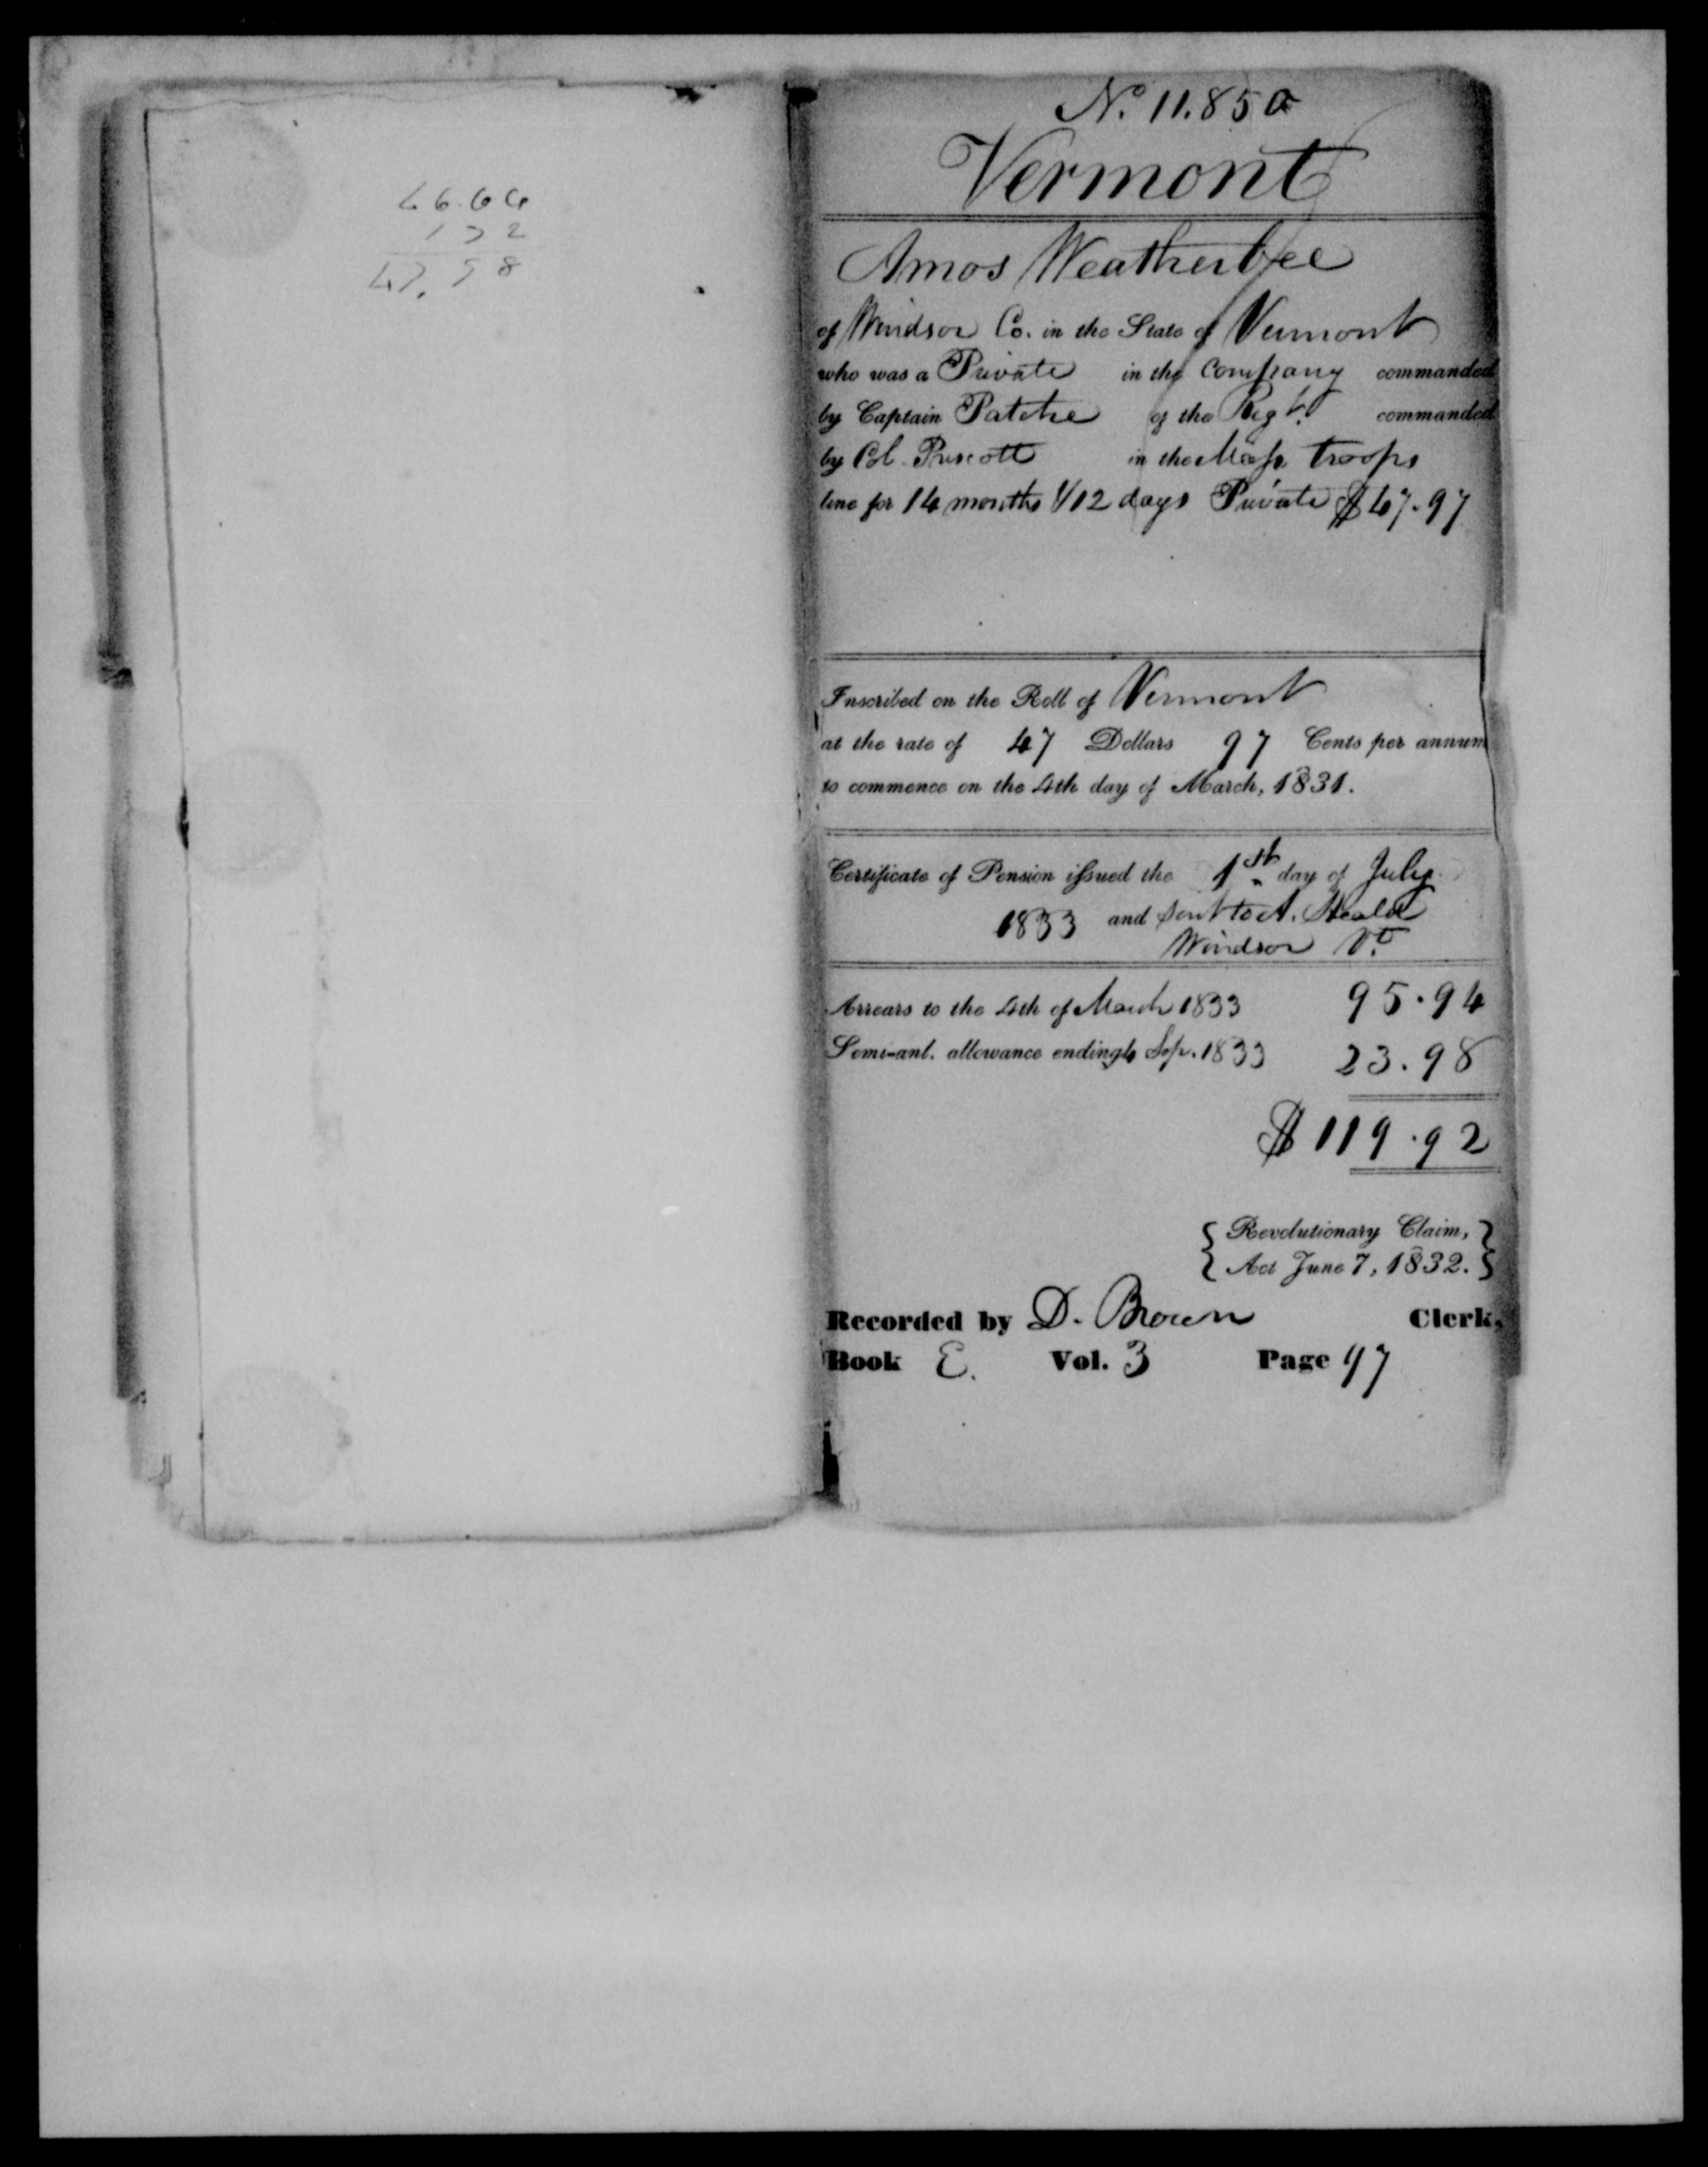N. 11.850
Vermont
Amos Wetherbee
of Windsor Co. in the State of Vermont who was a private in the company commanded by Capt. Patche of the Regt. commanded by Col. Prescott in the Mass. troops line for 14 months & 12 days Private $47.97

Inscribed on the Roll of Vermont at the rate of 47 Dollars 97 Cents per annum to commence on the 4th day of March 1831

Certificate of Pension issued the 1st day of July 1833 and sent to A. Heald, Windson Vt.

Arrears to the 4th of March 1833   $95.94
Semi-anl allowance ending 4 Sept. 1833  23.98
$119.92

{Revolutionary Claim}
{Act June 7, 1832}
Recorded by D. Brown Clerk
Book E Vol. 3 Page 47

46.66
1.32
______
47.98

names: A Heald, Patche, Amos Weatherbee, Prescott, D Brown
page: 3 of 66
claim: widow's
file: W. 2468, Amos Wetherbee, Mass.